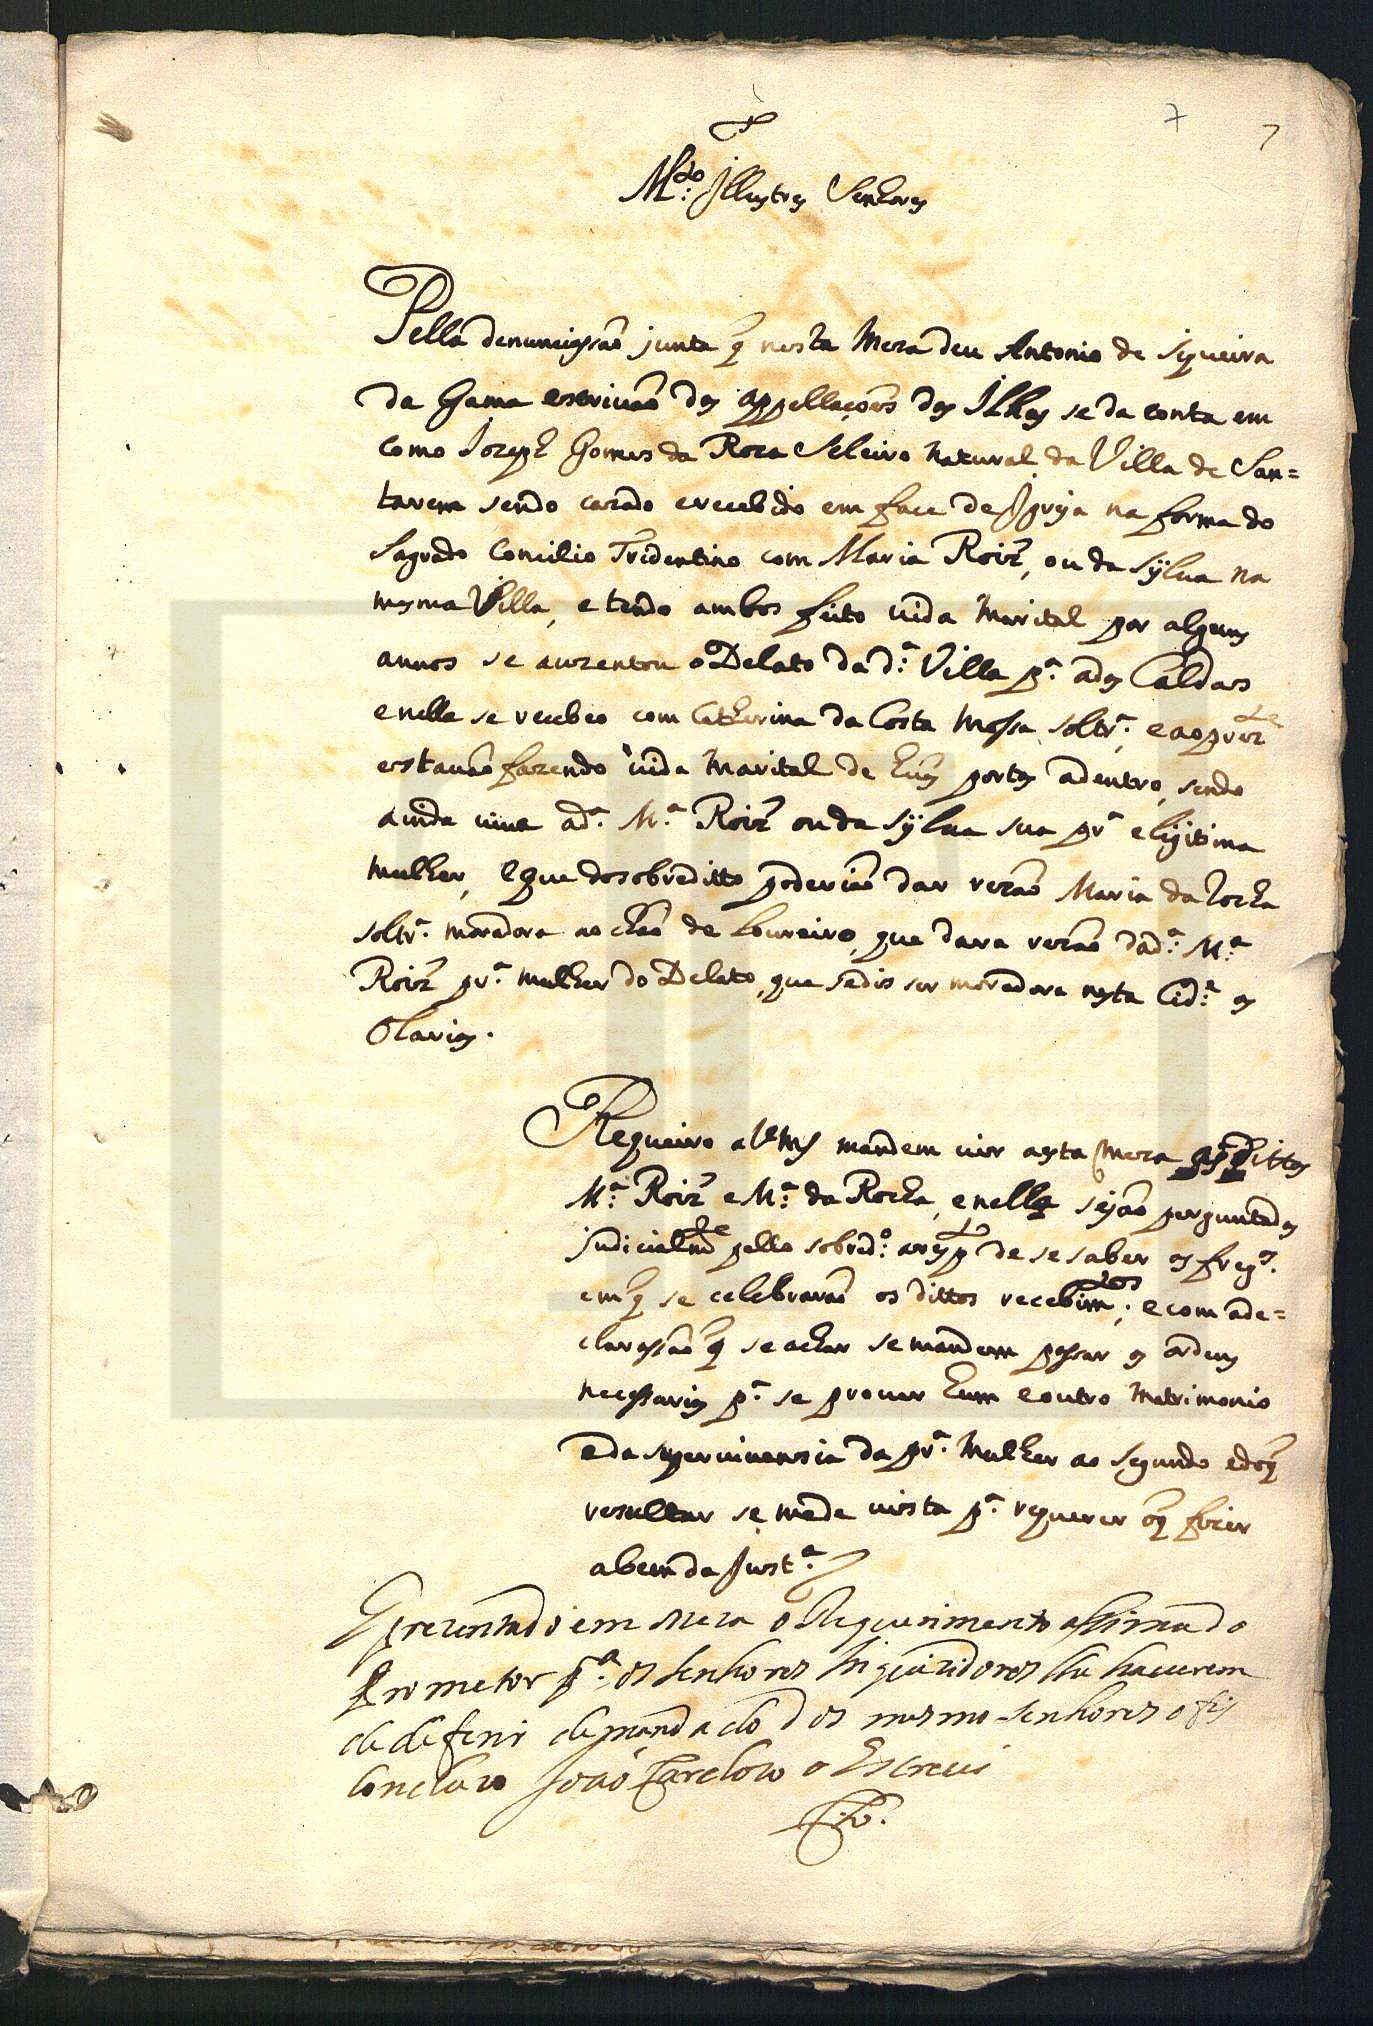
Mto: Jllustres Senhores
Pella denunciassaõ junta q̄ nesta Meza deu Antonio de Siqueira
da Gama escriuaõ das appellaçoẽs das Ilhas se da conta em
como Iozeph Gomes da Roza Seleiro natural da Villa de San
tarem sendo cazado e recebido em face de Jgreja na forma do
Sagrado Concilio Tridentino com Maria Roiz̄, ou da sylua na
mesma Villa, e tendo ambos feito uida marital por alguns
annos se auzentou o Delato da d:a Villa p.a a das Caldas
e nella se recebeo com Catherina da Costa mossa soltra., e ao prezte
estauaõ fazendo uida marital de huas̄ portas adentro, sendo
ainda uiua a da. M.a Roiz̄ ou da sylua sua pra e ligitima
mulher, e que do sobreditto poderiaõ dar rezaõ Maria da Rocha
soltra. moradora ao chaõ de Loureiro, que dara rezaõ da da: Ma:
Roiz̄ pr.a mulher do Delato, que se dis ser moradora nesta Cid:e as
Olarias.
Requeiro a V ms mandem uir a esta meza as dittas
Ma: Roiz̄ e Ma: da Rocha, e nella sejaõ perguntadas
judicialmte pello sobredo: a respto de se saber as fregas.
em q̄ se celebraraõ os dittos recebimtos; e com a de
clarassaõ q̄ se achar se mandem passar as ordens
necessarias pa. se prouar hum e outro matrimonio
e da superuiuensia da pra. mulher ao segundo e do q̄
resultar se made uista pa. requerer o q̄ fizer
a bem da justa.
E prezentado em Meza o Requerimento assima do
Promotor pa. os Senhores Inquizidores lhe hauerem
de definir de mandado dos mesmo Senhores o fis
Concluzo Joaõ Cardozo o Escreui
C.Lo.
